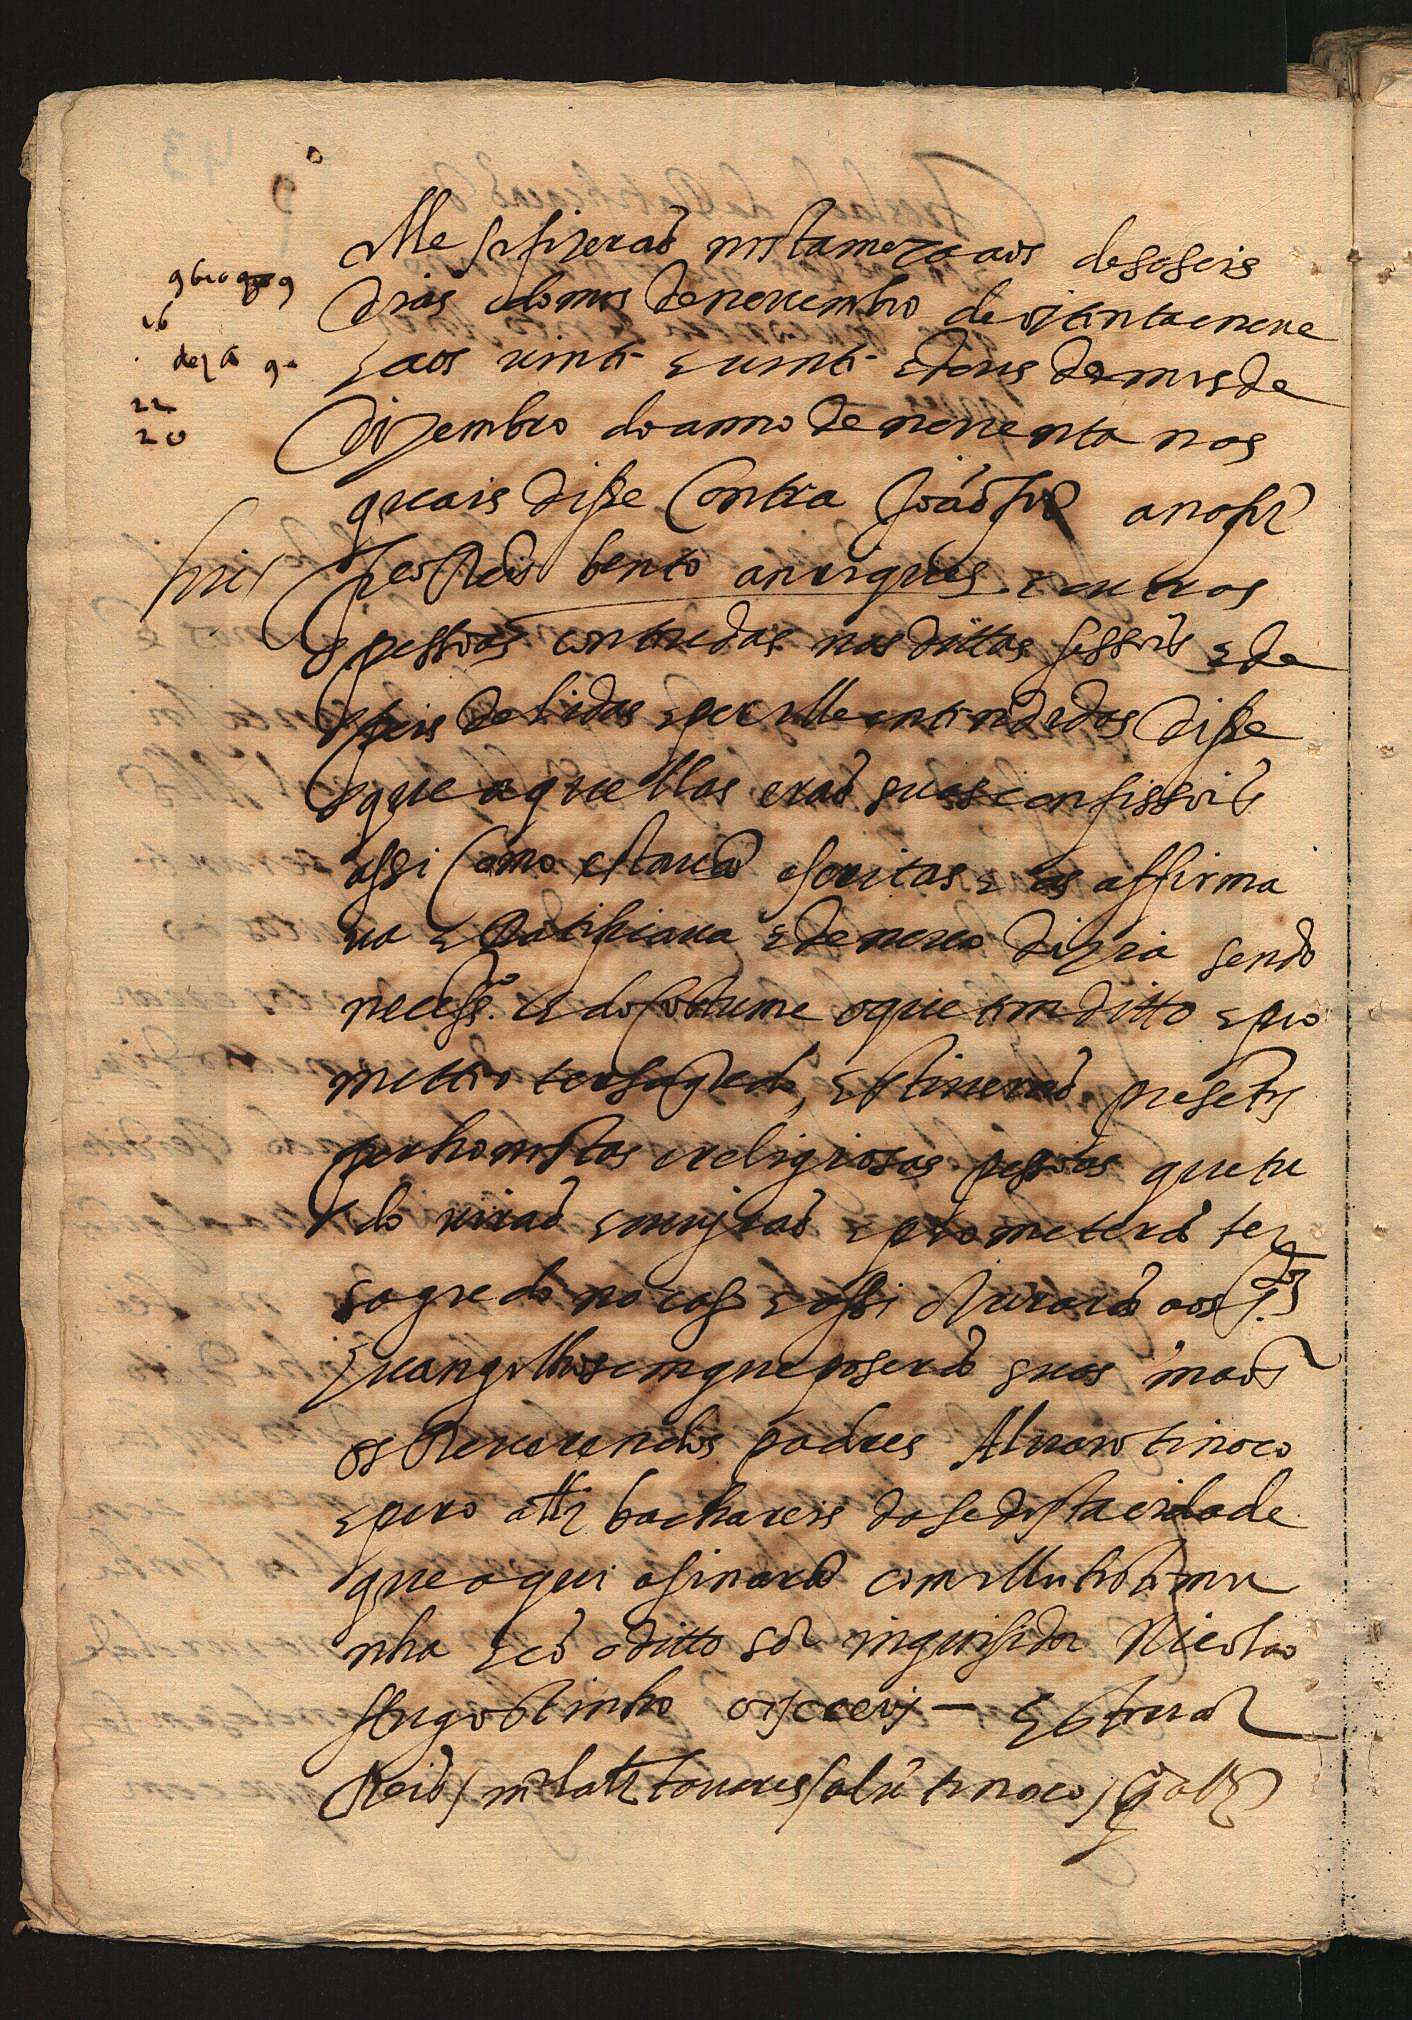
elle se fizeraõ nesta meza aos desaseis
9bro _ 89
16
dias do mes de nouembro de oitenta e noue
dezo 9.
E aos uinte E uinte E dous do mes de
22
20
dizembro do anno de nouenta nos
quais disse Contra Joaõ frz̄ anofrz̄
hius
frco Rois̄ bento anriques e outras
pessoas conteudas nas dittas sessoīs E de
pois de lidas E per elle entendidas disse
que aquellas eraõ suas confissois̄
assi Como estauaõ escritas E as affirma
ua E Ratificaua E de nouo dizia sendo
necess.ro E do Costume o que tem ditto E pro
metteo ter segredo, Estiueraõ presētes
por honestas e religiosas pessoas que tu
do uiraõ E ouujraõ E prometeraõ ter
segredo no caso E assi o Iuraraõ aos s.tos
Euangelhos em que poseraõ suas maõs
os Reuerendos padres Aluaro tinoco
E pero all̄z bachareis da se desta cidade
que aqui asinaraõ com ella testemu
nha E cō o ditto sor inquisidor nicolao
Augostinho o escrevj - Esteuā
Rois̄ / mel al̄z tauares / alū tinoco / po allz̄
